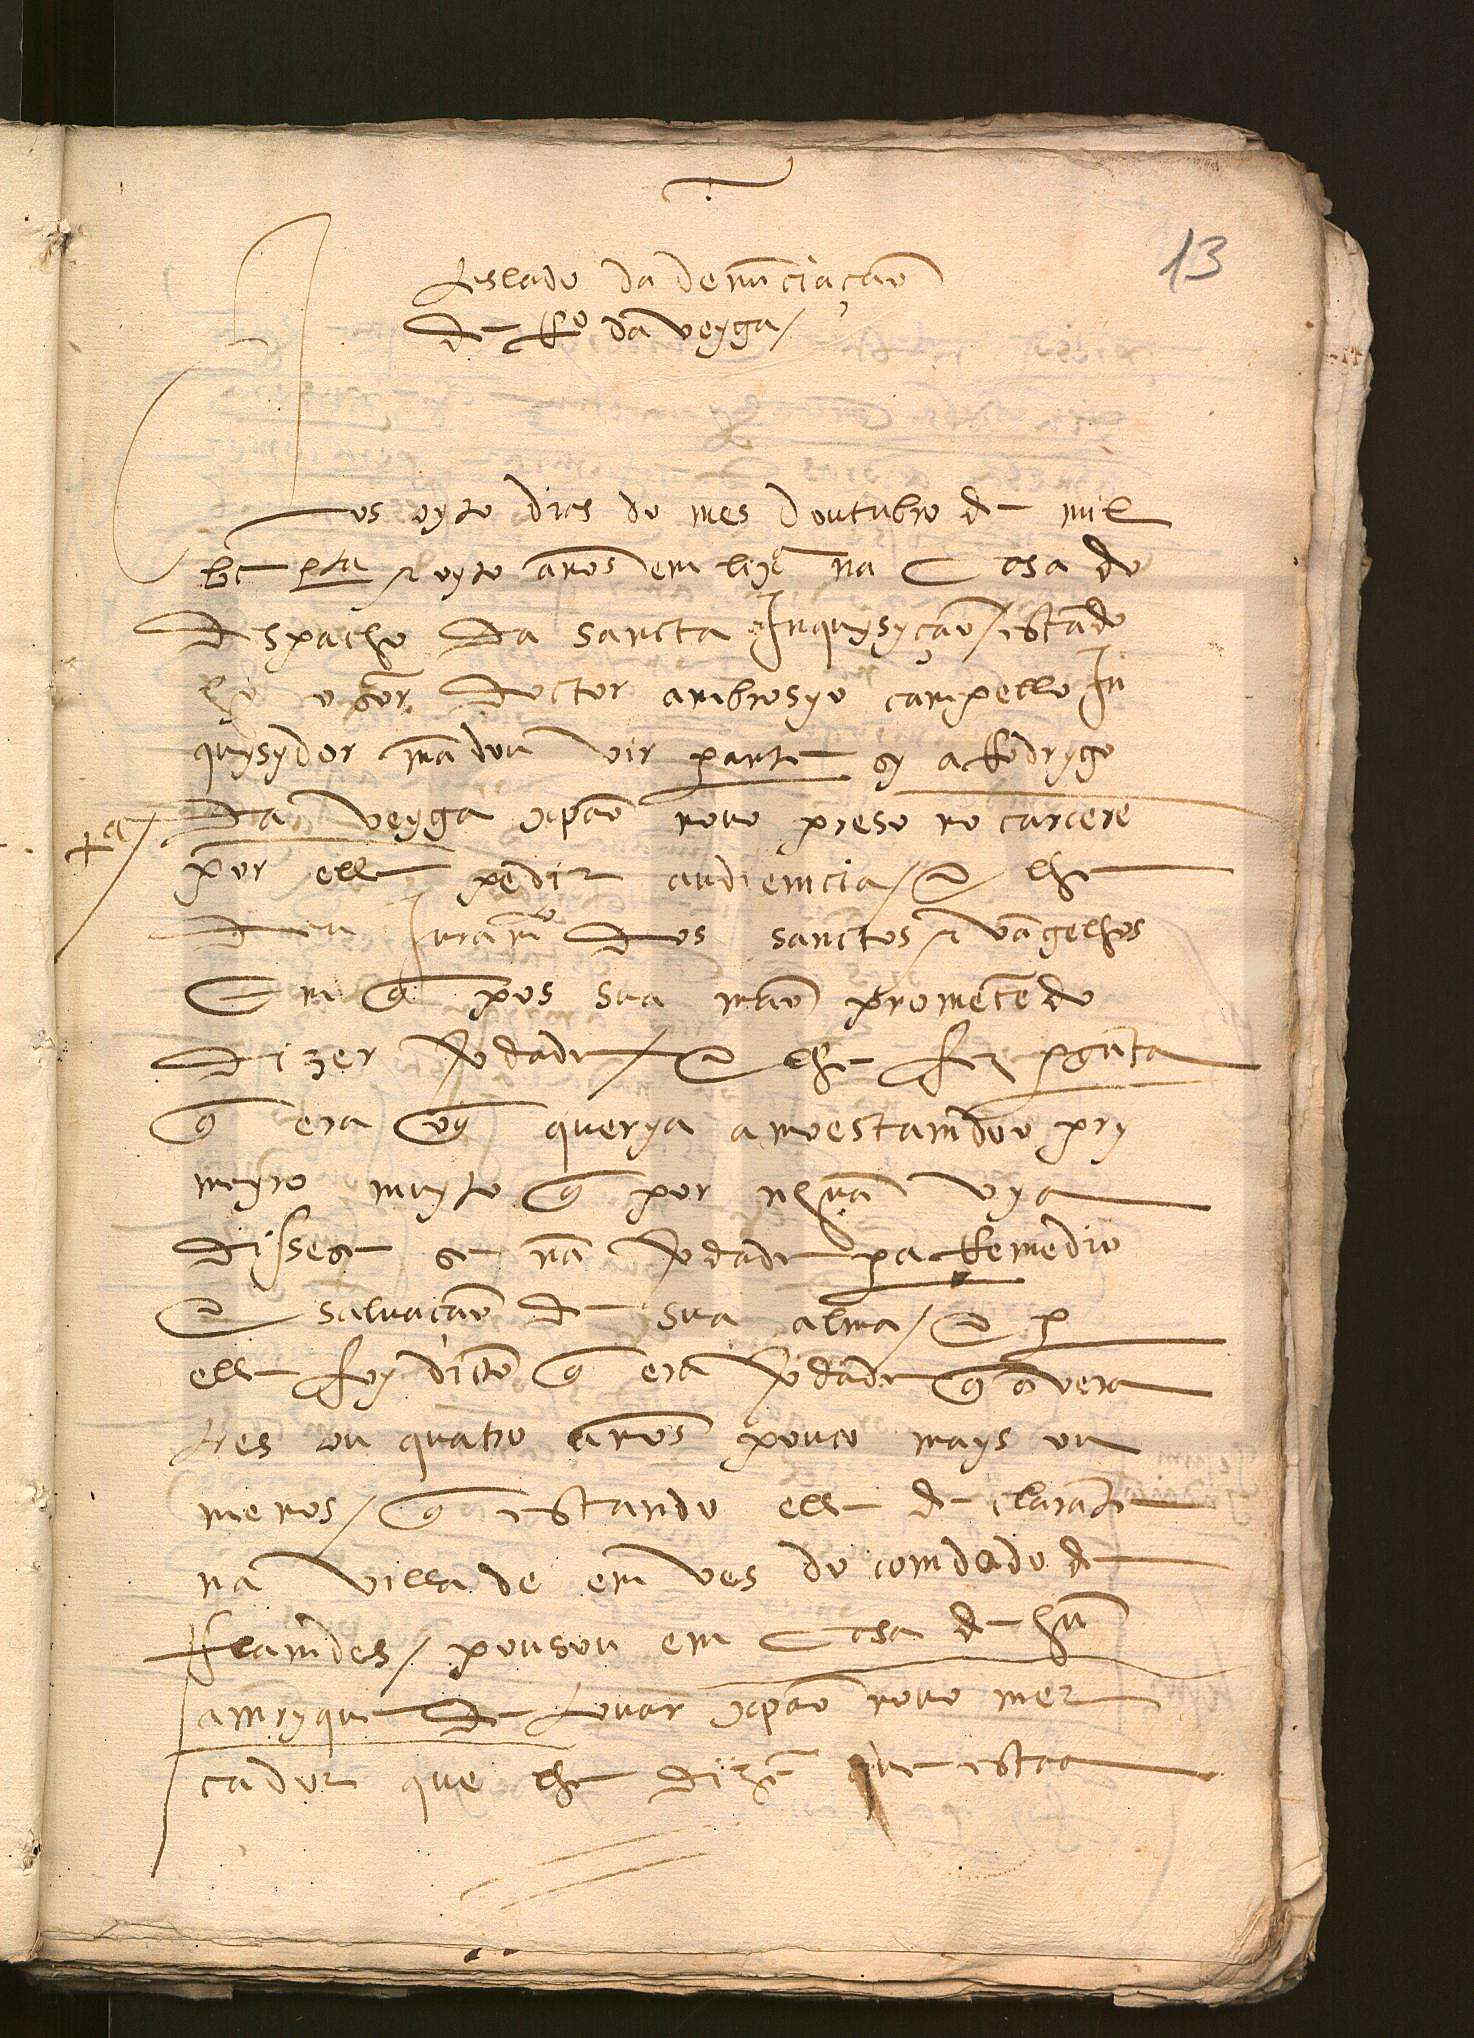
teslado da den̅uciação
de Ro da veyga /
os oyto dias do mes doutubro de mil
bc Lta e oyto a̅nos em lixa na Casa do
despacho da sancta Jnquysyção / esta̅do
hy o sōr doctor ambrosyo campello Jn
quysydor m̅adou vir ꝑante sy a Rodrygo
da veyga xpão nouo preso no carcere
por elle pedir audiemcia / e lhe
deu Juramto dos sanctos eva̅gelhos
Em q̅ pos sua mão promet̅edo
dizer ꝟdade / e lhe fez ꝑgu̅ta
q̅ era o q̅ querya amoestamdoo pry
meyro muyto q̅ por nhu̅a vya
dissese se n̅a ꝟdade ꝑa Remedio
e saluação de sua alma / e ꝑ
elle foy di̅cto q̅ era ꝟdade q̅ avera
tres ou quatro a̅nos pouco mays ou
menos / q̅ estando elle declara̅te
na villa de em ves do comdado de
flamdes / pousou em Casa de hu̅
amryque de touar xpão nouo mer
cador que lhe dize̅ que estaa
